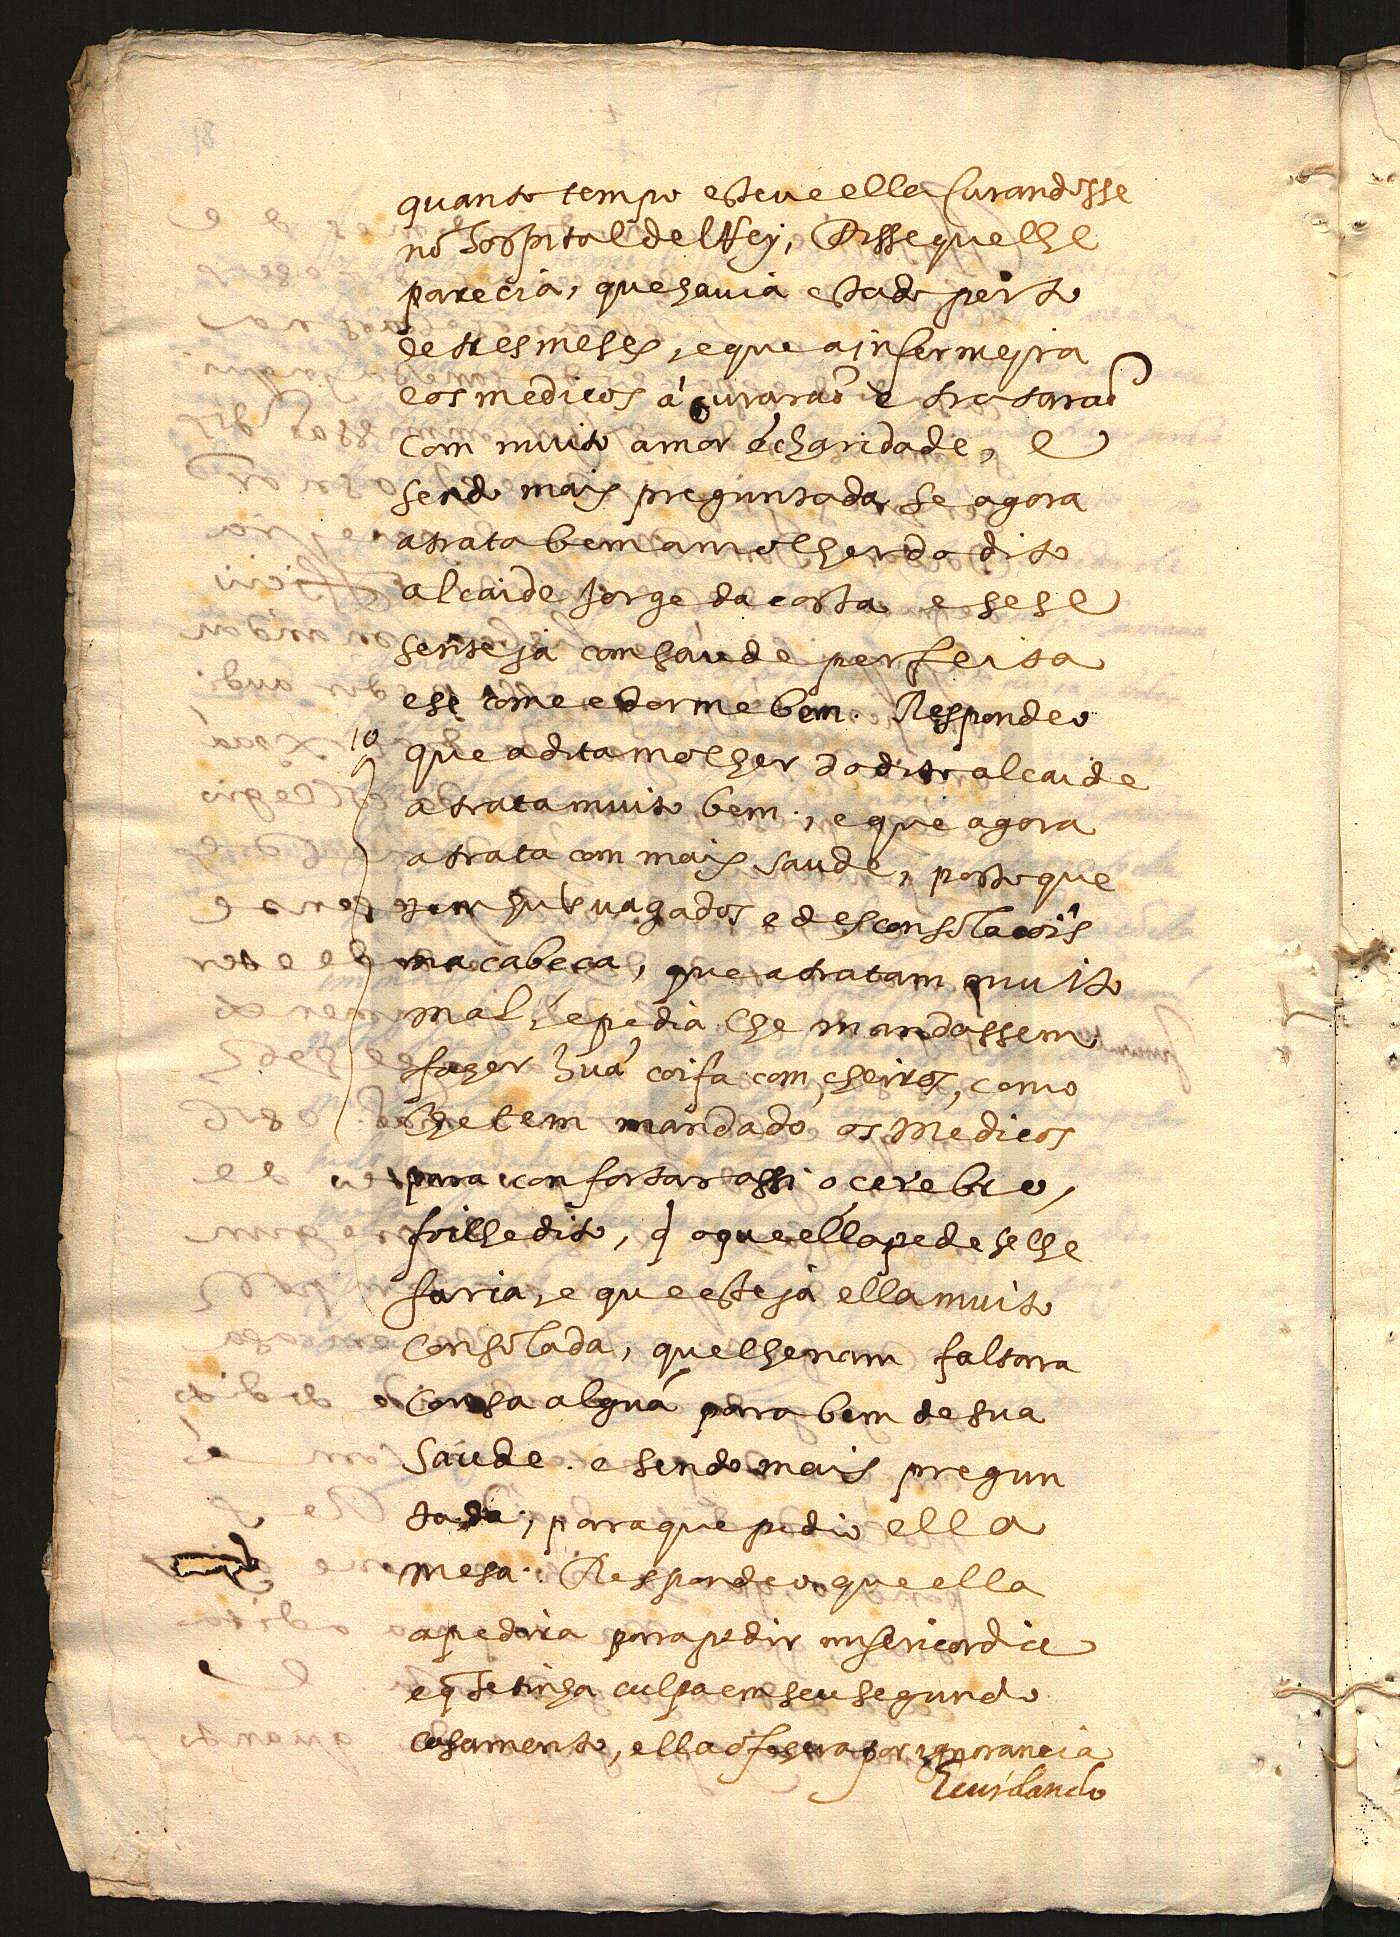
quanto tempo esteue ella Curandosse
no hospital del Rey, Disse que lhe
parecia, que hauia estado perto
de tres meses, e que a infermejra
e os medicos á curaraõ e trataraõ
com muito amor e charidade, e
sendo mais preguntada se agora
a trata bem a molher do dito
alcaide Jorge da costa e se se
sente ja com saude perfeita
e se come e dorme bem. Respondeo
que a dita molher do dito alcaide
a trata muito bem, e que agora
a trata com mais saude, posto que
tem hus̄ uagados e desconsolacois
na cabeça, que a tratam muito
mal, e pedia lhe mandassem
fazer huā coifa com, cheiros, como
lhe tem mandado os medicos
para confortar assi o çerebro,
foilhe dito, q̄ o que ella pede se lhe
faria, e que esteja ella muito
consolada, que lhe nam faltara
cousa alguā para bem de sua
Saude. e sendo mais pregun
tada; para que pedio ella
mesa. Respondeo que ella
a pedira para pedir misericordia
e q̄ se tinha culpa em seu segundo
casamento, ella o fesera por ignorançia
E cuidando
